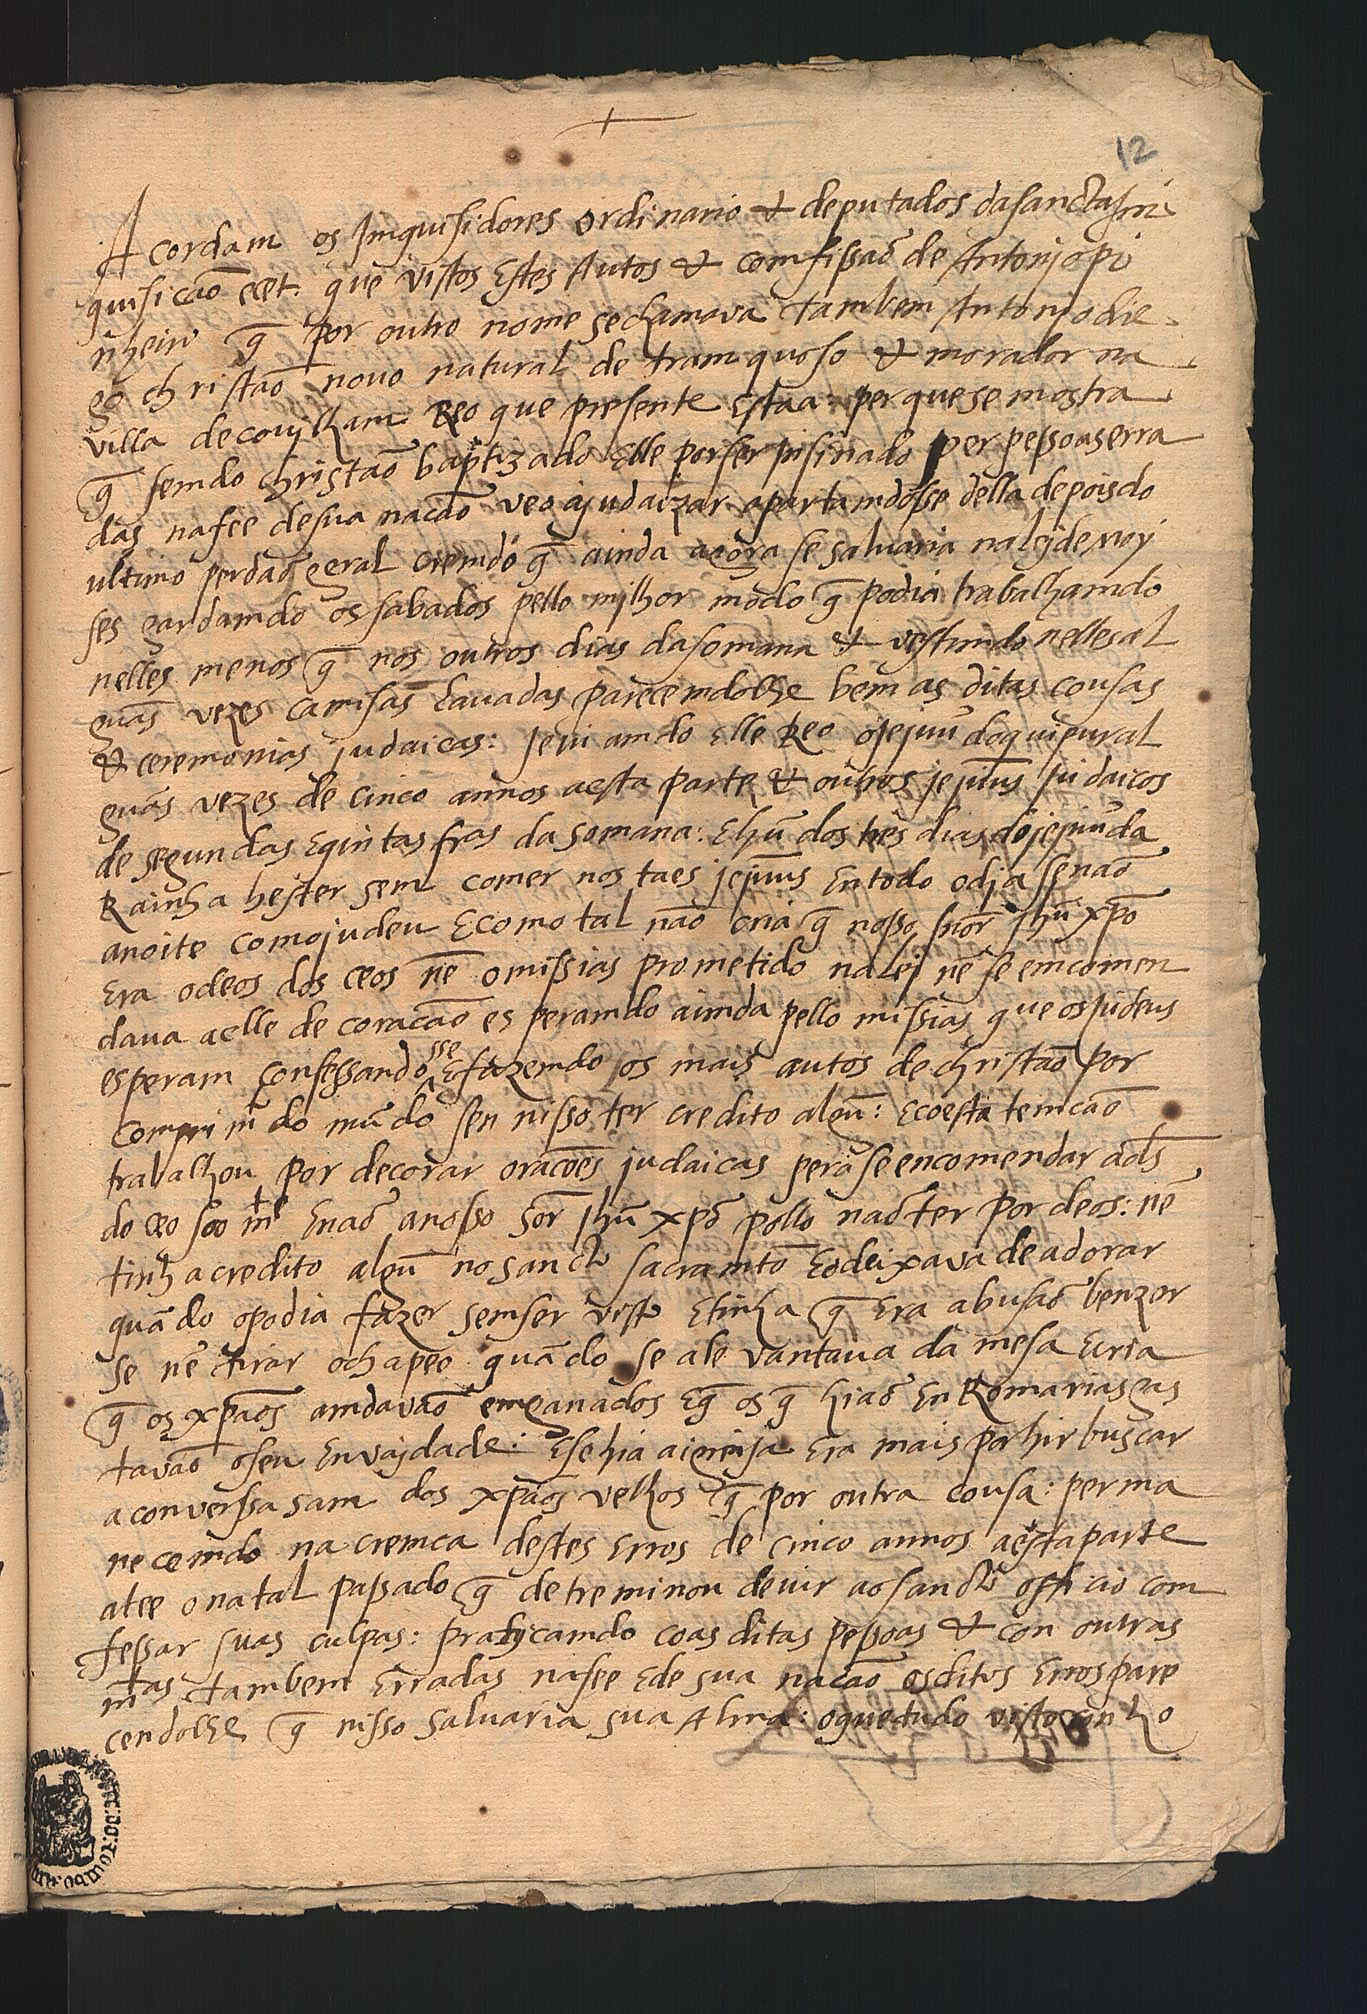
Acordam os Jmquisidores ordinario & deputados da sancta Jm
quisição ecet. que vistos Estes Autos & comfissão de Antonjo pi
nheiro q̄ por outro nome se chamava tambem Antonjo die
go christão novo natural de tramquoso & morador na
villa de coujlham Reo que presente Estaa: per que se mostra
q̄ semdo christão baptizado Elle por ser jnsinado per pessoas erra
das na fee de sua nacão veo a judaizar apartamdosse della depois do
ultimo perdão geraL cremdo q̄ ainda agora se saluaria na Lej de moy
ses gardamdo os sabados pello mjlhor modo q̄ podia trabalhamdo
nelles menos q̄ nos outros dias da somana & vestimdo nelles aL
gūas vezes camisas lauadas parecemdolhe bem as ditas cousas
& ceremonias judaicas: jeiuamdo Elle Reo o jejuū do quipur aL
guās vezes de cinco annos a esta parte & outros jejuūs judaicos
de segundas E qintas fras da somana: E hū dos tres dias do jejuū da
Rainha hester sem comer nos taes jejuūs En todo o dja senaõ
a noite como judeu E como tal não cria q̄ nosso snōr Jhū xp̄o
Era o deos dos ceos nē o missias prometido na Lej nē se emcomen
daua a elle de coracão esperamdo aimda pello missias que os Judeus
esperam confessandosse E fazemdo os mais autos de christão por
comprimto do mūdo sen nisso ter credito algū: E co esta temcão
trabalhou por decorar oracões judaicas pera se encomendar a d̄s
do ceo soomte E naõ a nosso Sōr jhū xpō pollo naõ ter por deos: nē
tinha credito algū no Sancto sacramtō E o deixava de adorar
quādo o podia fazer sem ser visto E tinha q̄ era abusaõ benzer
se nē tirar o chapeo quādo se alevantaua da mesa E cria
q̄ os xp̄aos amdavão emganados E q̄ os q̄ hiaõ En Romarias gas
tavão o seu En vajdade: E se hia a igreja Era mais por hir buscar
a conversasam dos xpãos velhos q̄ por outra cousa: perma
necemdo na cremca destes Erros de cinco annos a esta parte
atee o nataL passado q̄ detreminou de uir ao sancto officio com
fessar suas culpas: pratycando co as ditas pessoas & con outras
mtas tambem Erradas na fee E de sua nacão os ditos Erros pare
cendolhe q̄ nisso Saluaria sua Alma: o que tudo visto con ho
